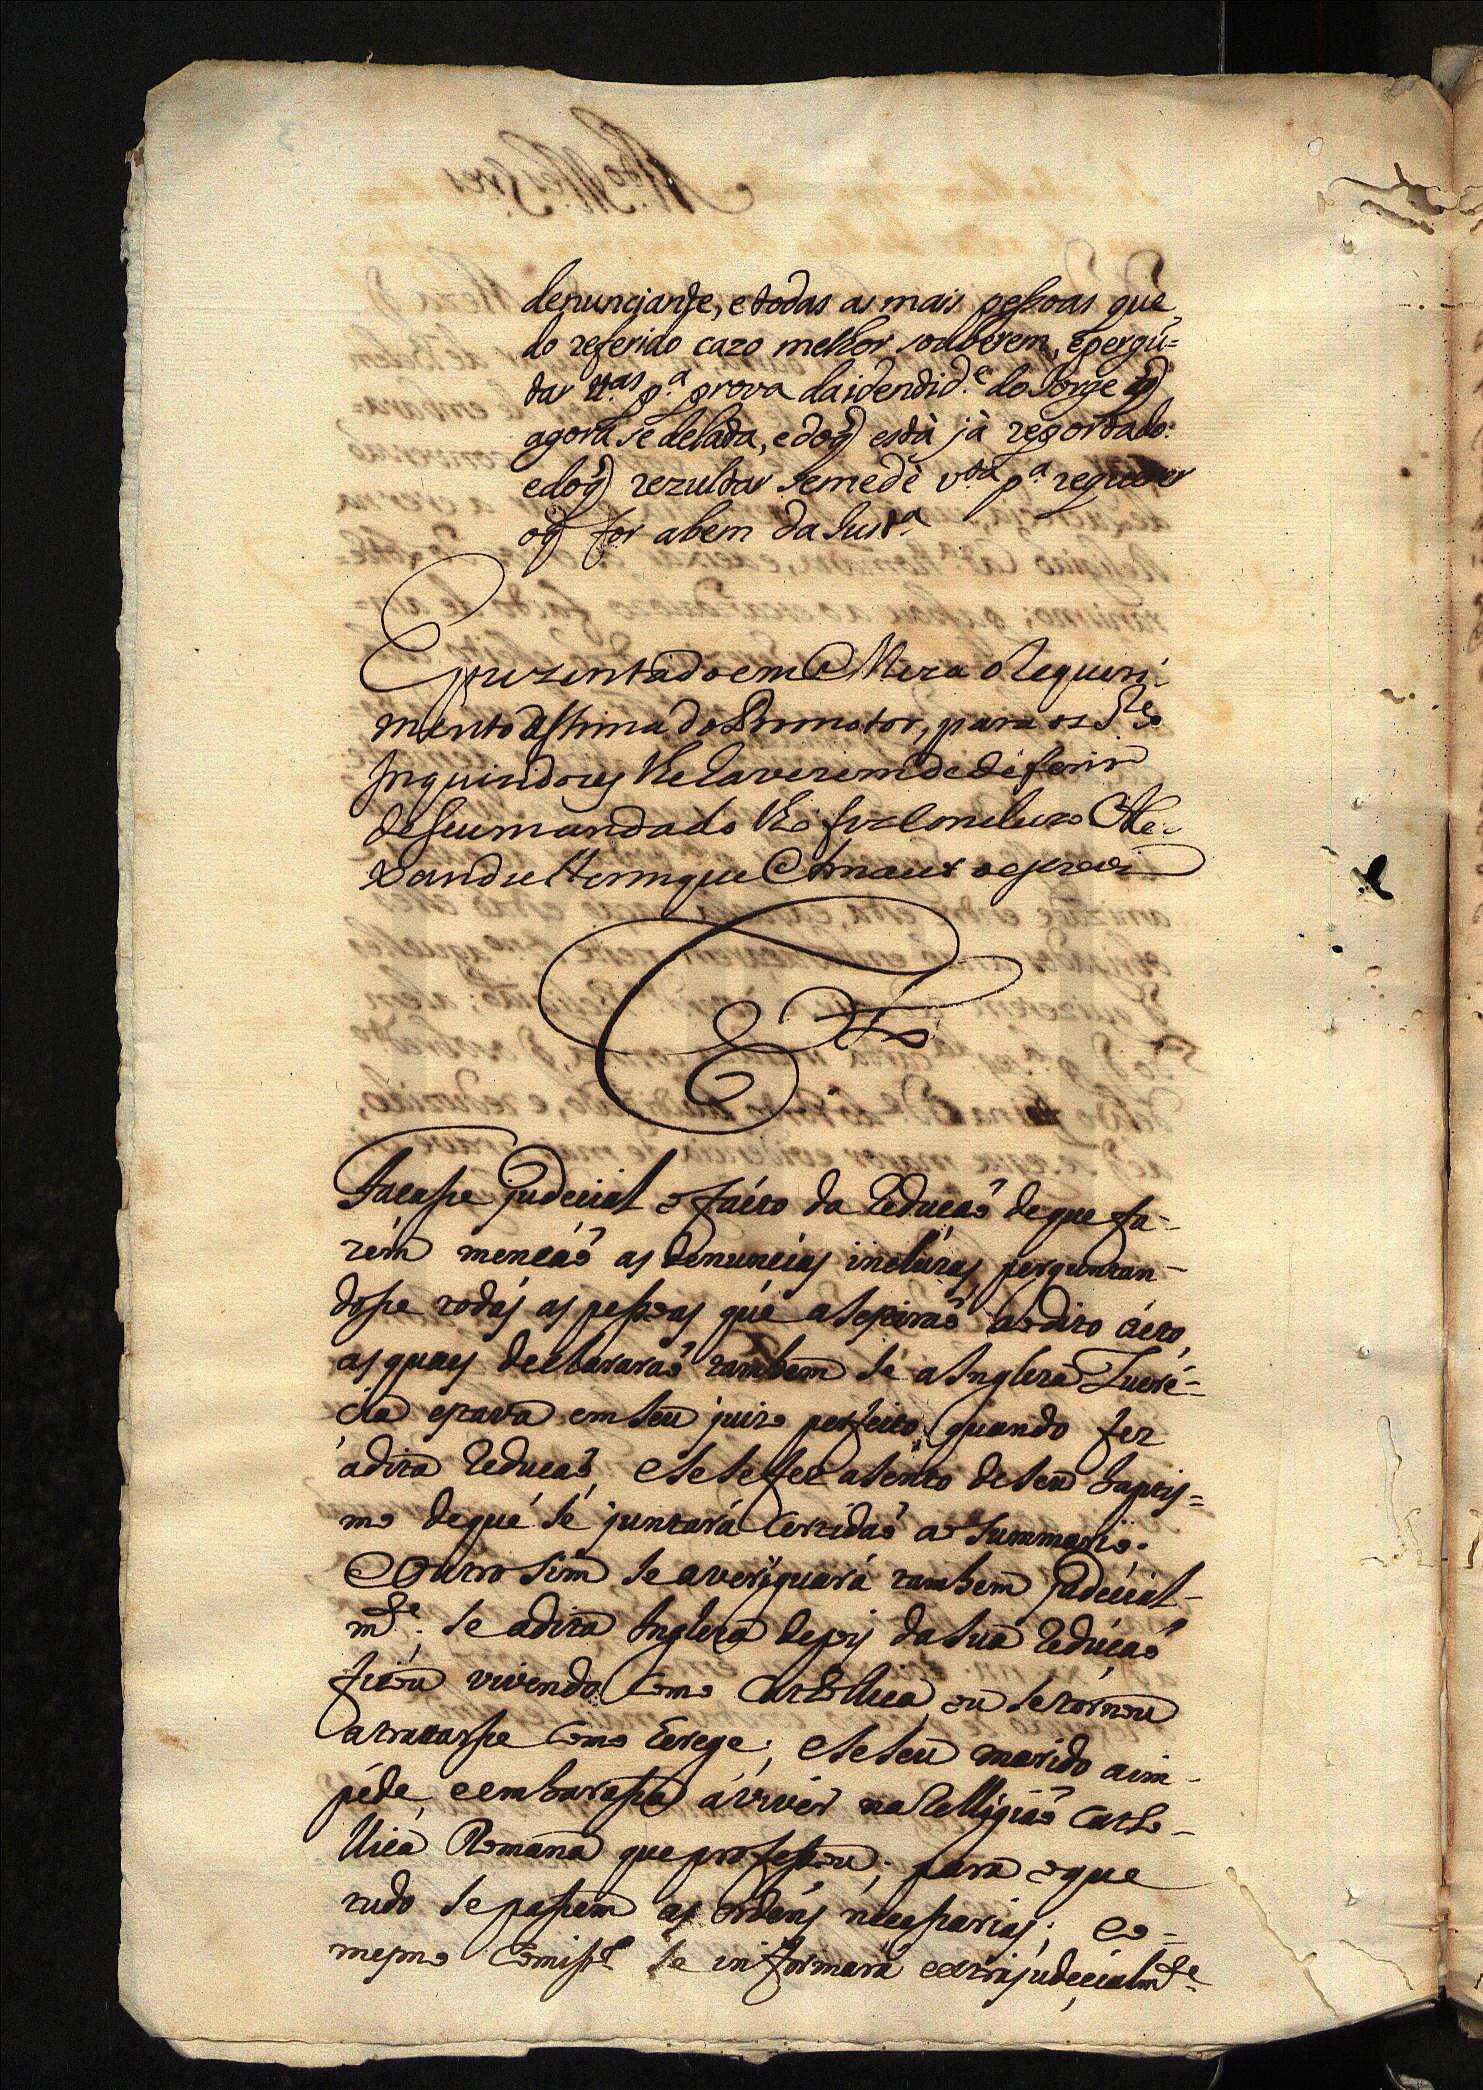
denunciante, e todas as mais pessoas que
do referido cazo melhor souberem, e pergū
tar tt.as p.a prova da identid.e do Iorge q̄
agora se delata, e do q̄ està já reportado:
e do q̄ rezultar se me dè v.ta p.a requerer
o q̄ for a bem da Iust.a
E prezentado em Meza o Requeri
mento assima do Promotor, para os S.res
Jnquizidores lhe haverem de deferir
de seu mandado lho fiz Concluzo Ale
xandre Henrique Arnaur o escrevi
CLo
Façasse judicial o facto da Reduçaõ de que fa
zem mençaõ as denunçias incluzas, perguntan
dosse todas as pessoas que asestiraõ ao dito acto
as quaes declararaõ tambem se a Ingleza Lucré
çia estava em seu juizo perfeito, quando fez
a dita Reduçaõ, e se se fez asento de seu baptis
mo de que se juntará certidaõ a summario;
e outrosim se averiguará tambem judicial
m.te; se a dita Ingleza depois da Sua Reduçaõ
ficou vivendo Como Cathollica, ou se tornou
a tratarsse como herege; e se seu marido a im
péde, e embarassa a viver na Relligiaõ catho
llica Romana que professou; para o que
tudo se passem as ordens necessarias; e o
mesmo Comiss.o se informará extrajudeçialm.te
